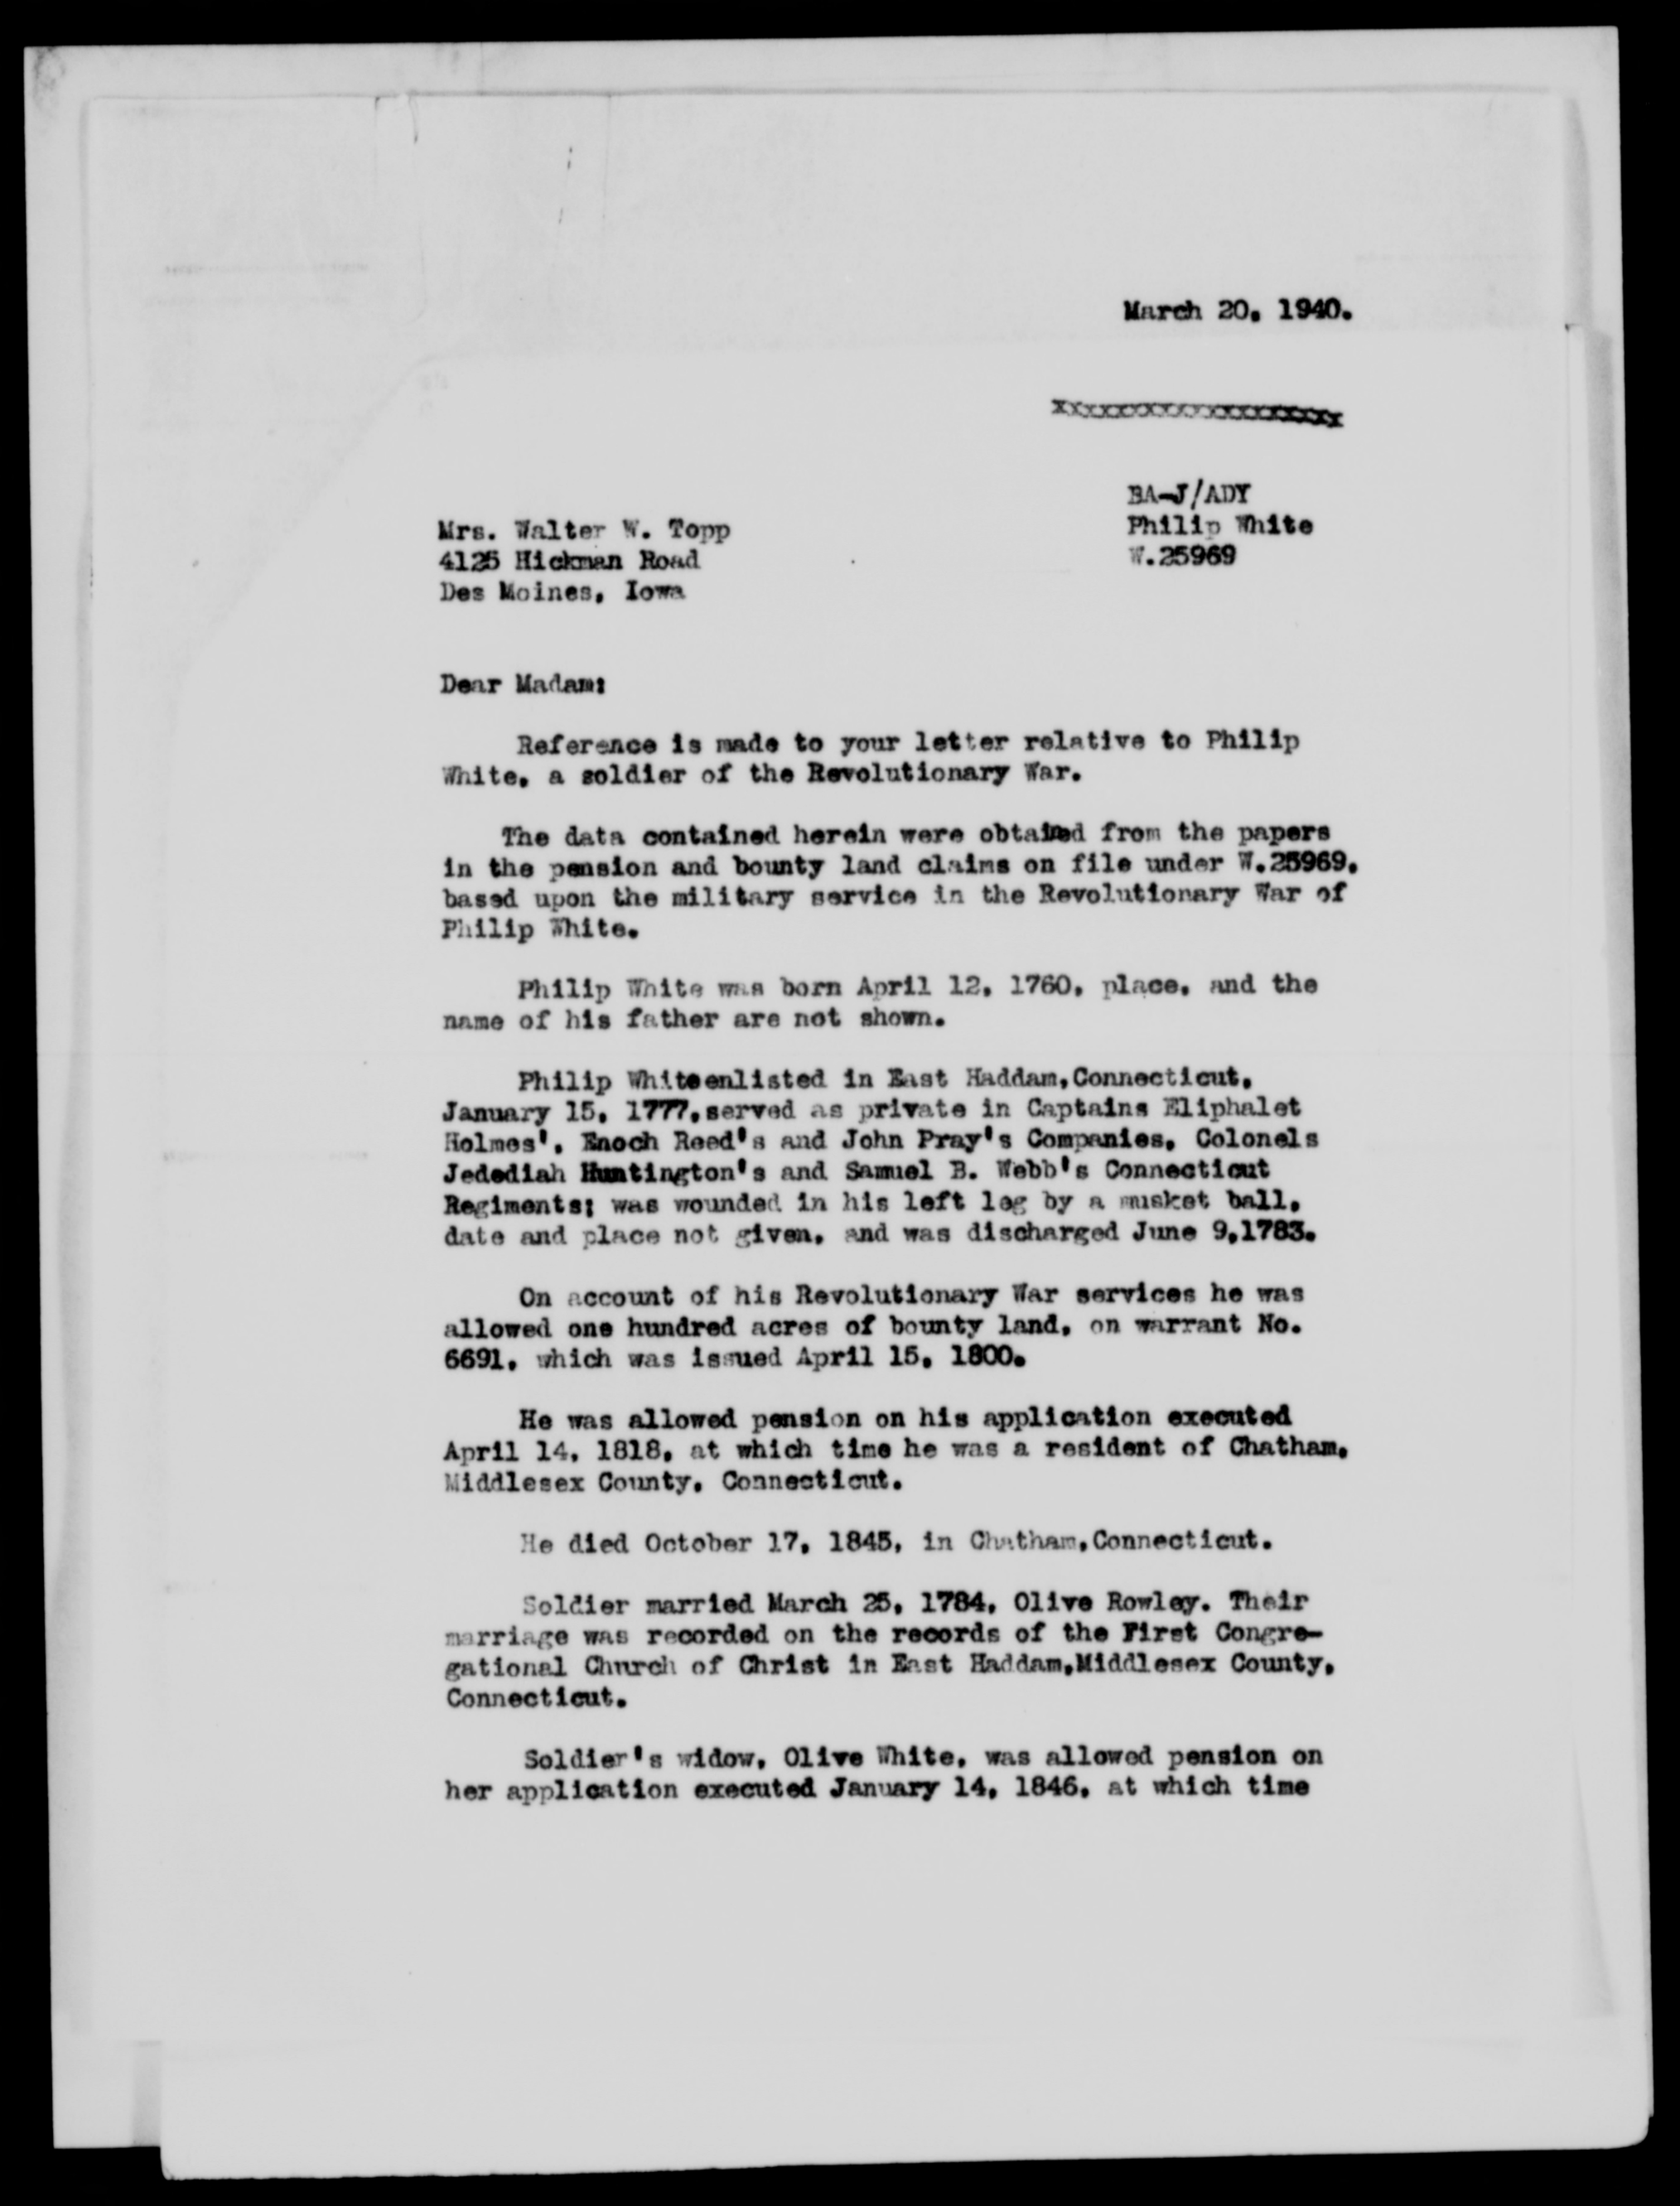March 20, 1940.

xxxxxxxxxx

BA-J/ADY
Philip White
W. 25969

Mrs. Walter W. Topp
4125 Hickman Road
Des Moines, Iowa

Dear Madam:
Reference is made to your letter relative to Philip
White, a soldier of the Revolutionary War.

The data contained herein were obtained from the papers
in the pension and bounty land claims on file under W. 25969
based upon the military service in the Revolutionary War of
Philip White.

Philip White was born April 12, 1760, place, and the
name of his father are not shown.

Philip White enlisted in East Haddam, Connecticut.
January 15, 1777, served as private in Captains Eliphalet
Holmes', Enoch Reed's and John Pray's Companies, Colonels
Jedediah Huntington's and Samuel B. Webb's Connecticut
Regiments; was wounded in his left leg by a musket ball.
date and place not given, and was discharged June 9, 1783.

On account of his Revolutionary War services he was
allowed one hundred acres of bounty land on warrant No. 
6691, which was issued April 15, 1800.

He was allowed pension on his application executed
April 14, 1818, at which time he was a resident of Chatham,
Middlesex County, Connecticut.

He died October 17, 1845, in Chatham, Connecticut.

Soldier married March 25, 1784, Olive Rowley. Their
marriage was recorded on the records of the First Congregational
Church of Christ in East Haddam, Middlesex County,
Connecticut.

Soldier's widow, Olive White, was allowed pension on
her application executed January 14, 1846, at which time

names: Olive Rowley, Olive White, Philip White, Walter W Topp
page: 30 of 50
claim: widow's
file: W. 25,969, Philip White, Conn.